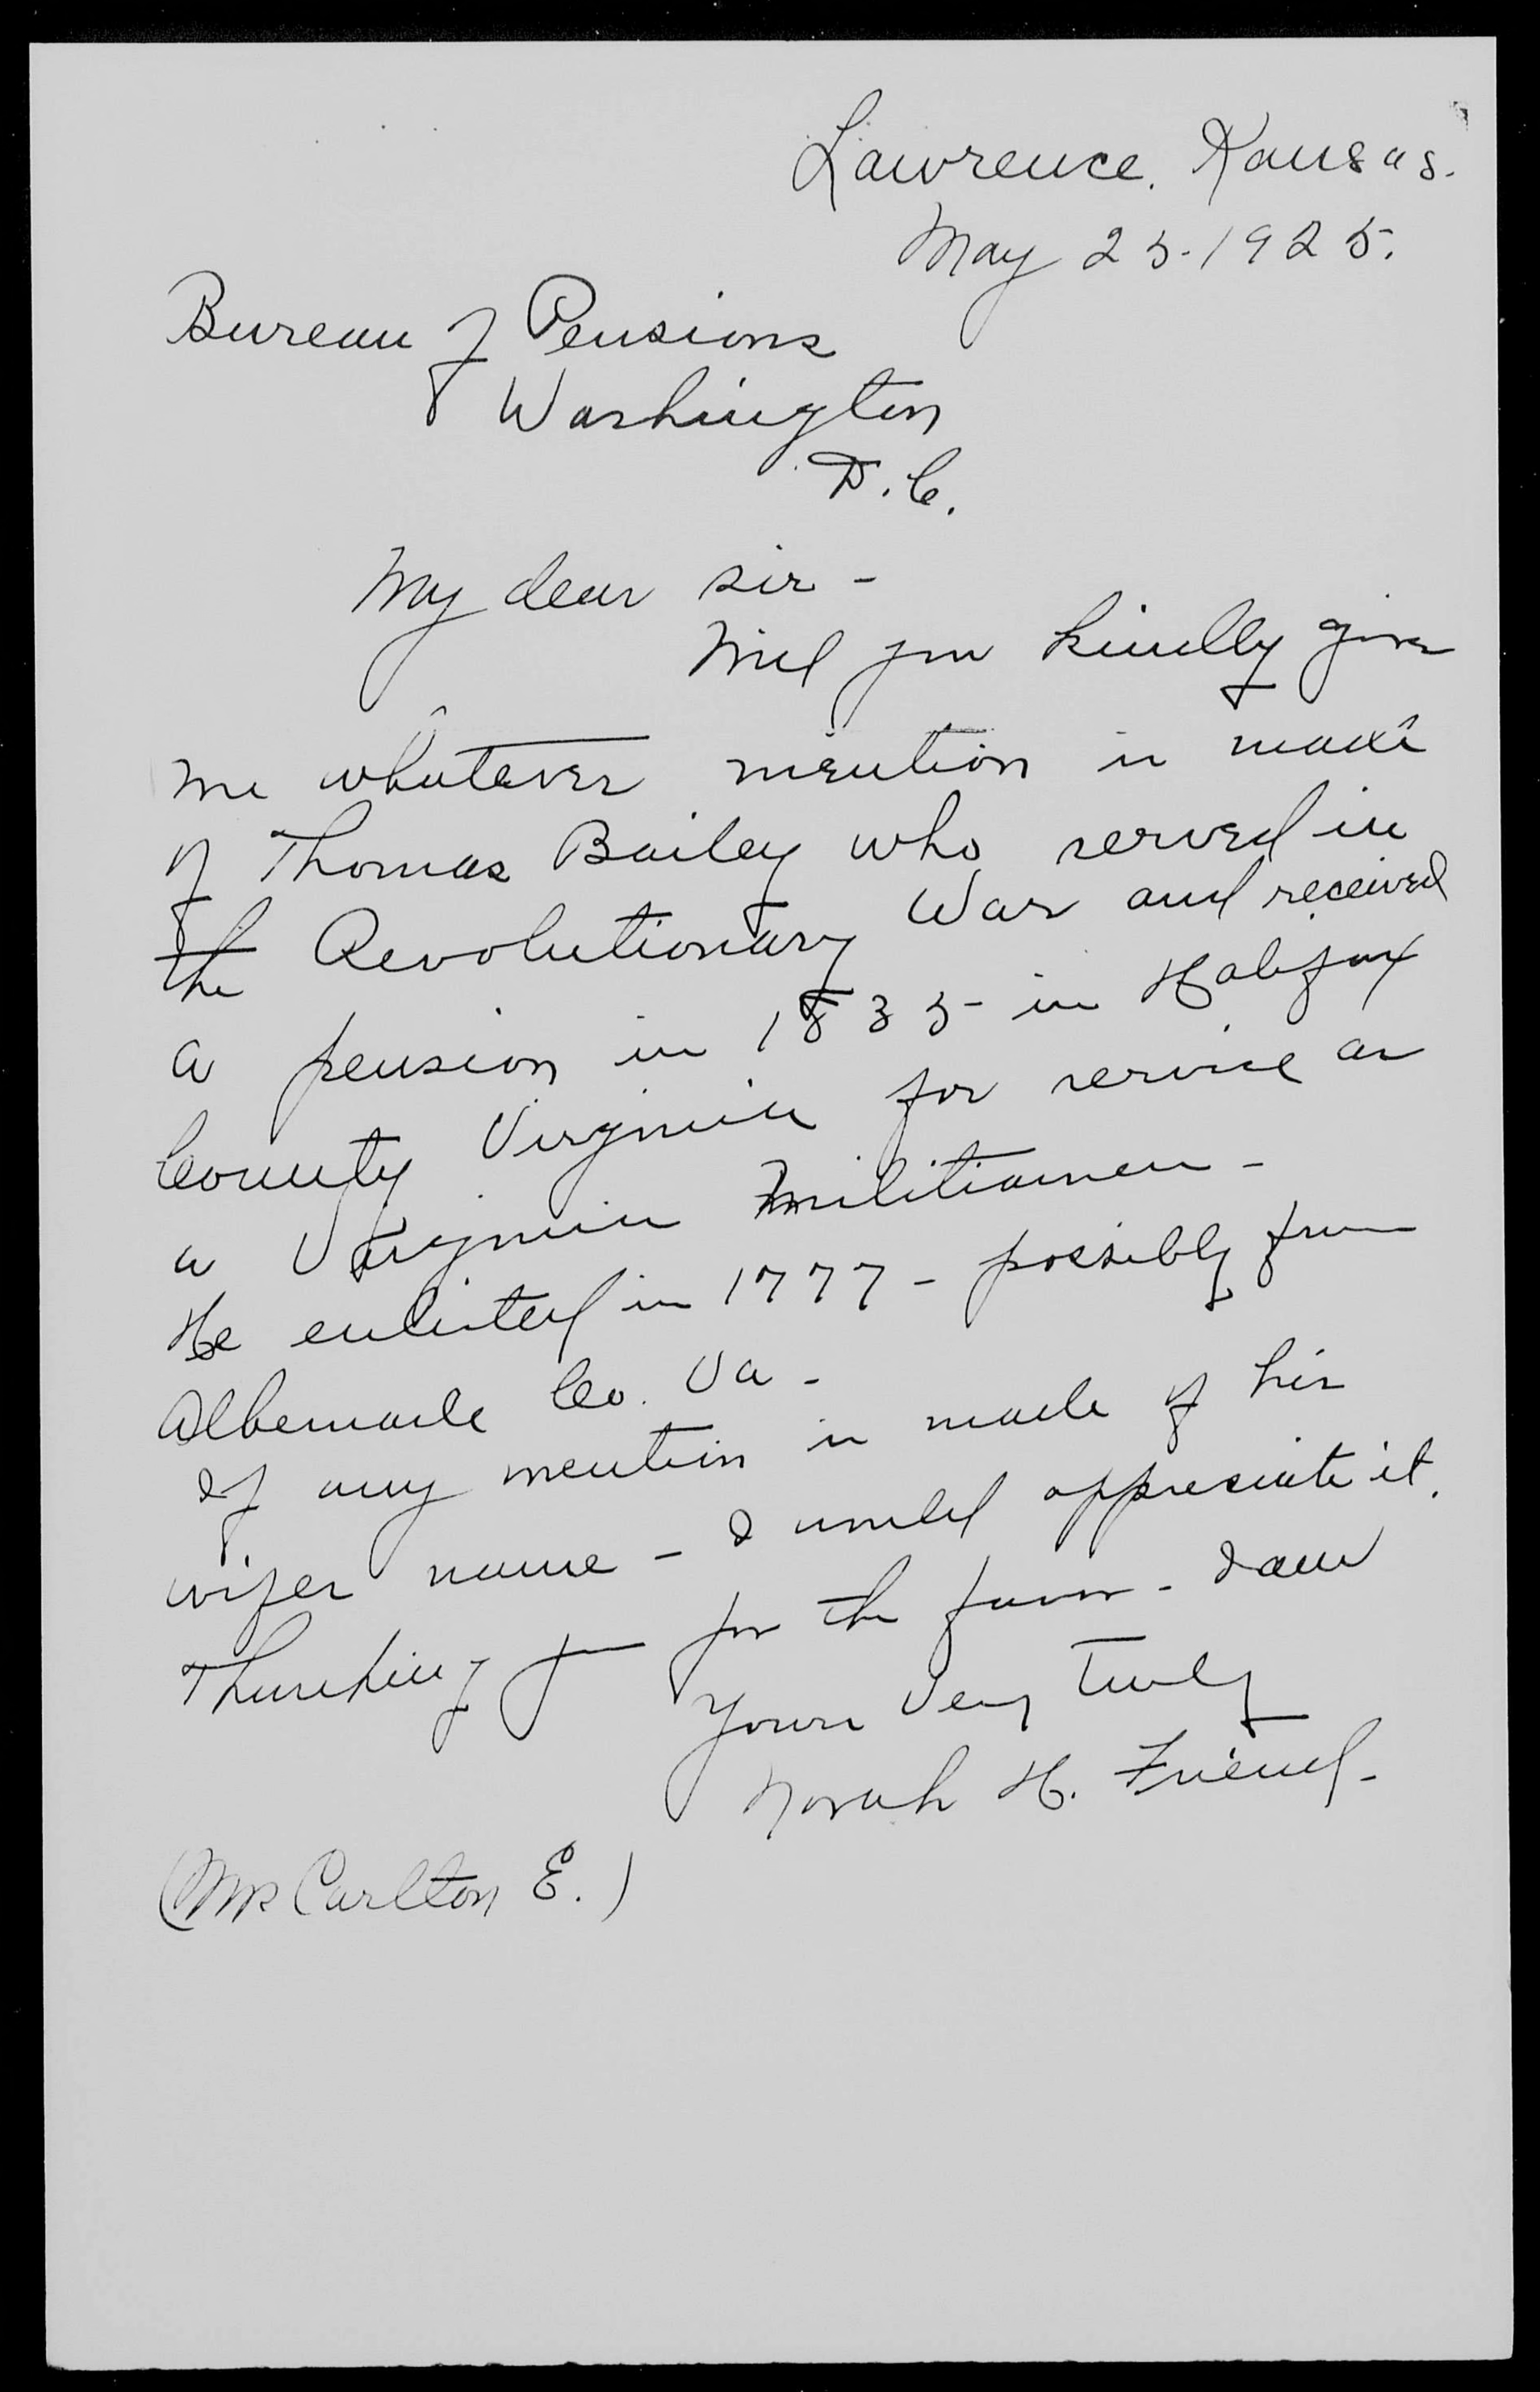Lawrence, Kansas.
May 25, 1825.
Bureau of Pensions
Washington
D.C.
My dear sir - 
Will you kindly give
me whatever mention is made
of Thomas Bailey who served in
the Revolutionary War and received
a pension in 1835 in Halifax
County Virginia for service as
a Virginia Militiaman.
He enlisted in 1777 - possible from
Albermarle Co. Va.
If any mention is made of his
wife's name - I would appreciate it.
Thanking you for the favor, I am
Yours very truly
Norah H. Friend
(Mr Carlton E.)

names: E Carlton, Norah H Friend, Thomas Bailey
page: 14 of 18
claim: survivor's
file: S. 6578, Thomas Bailey, Va.